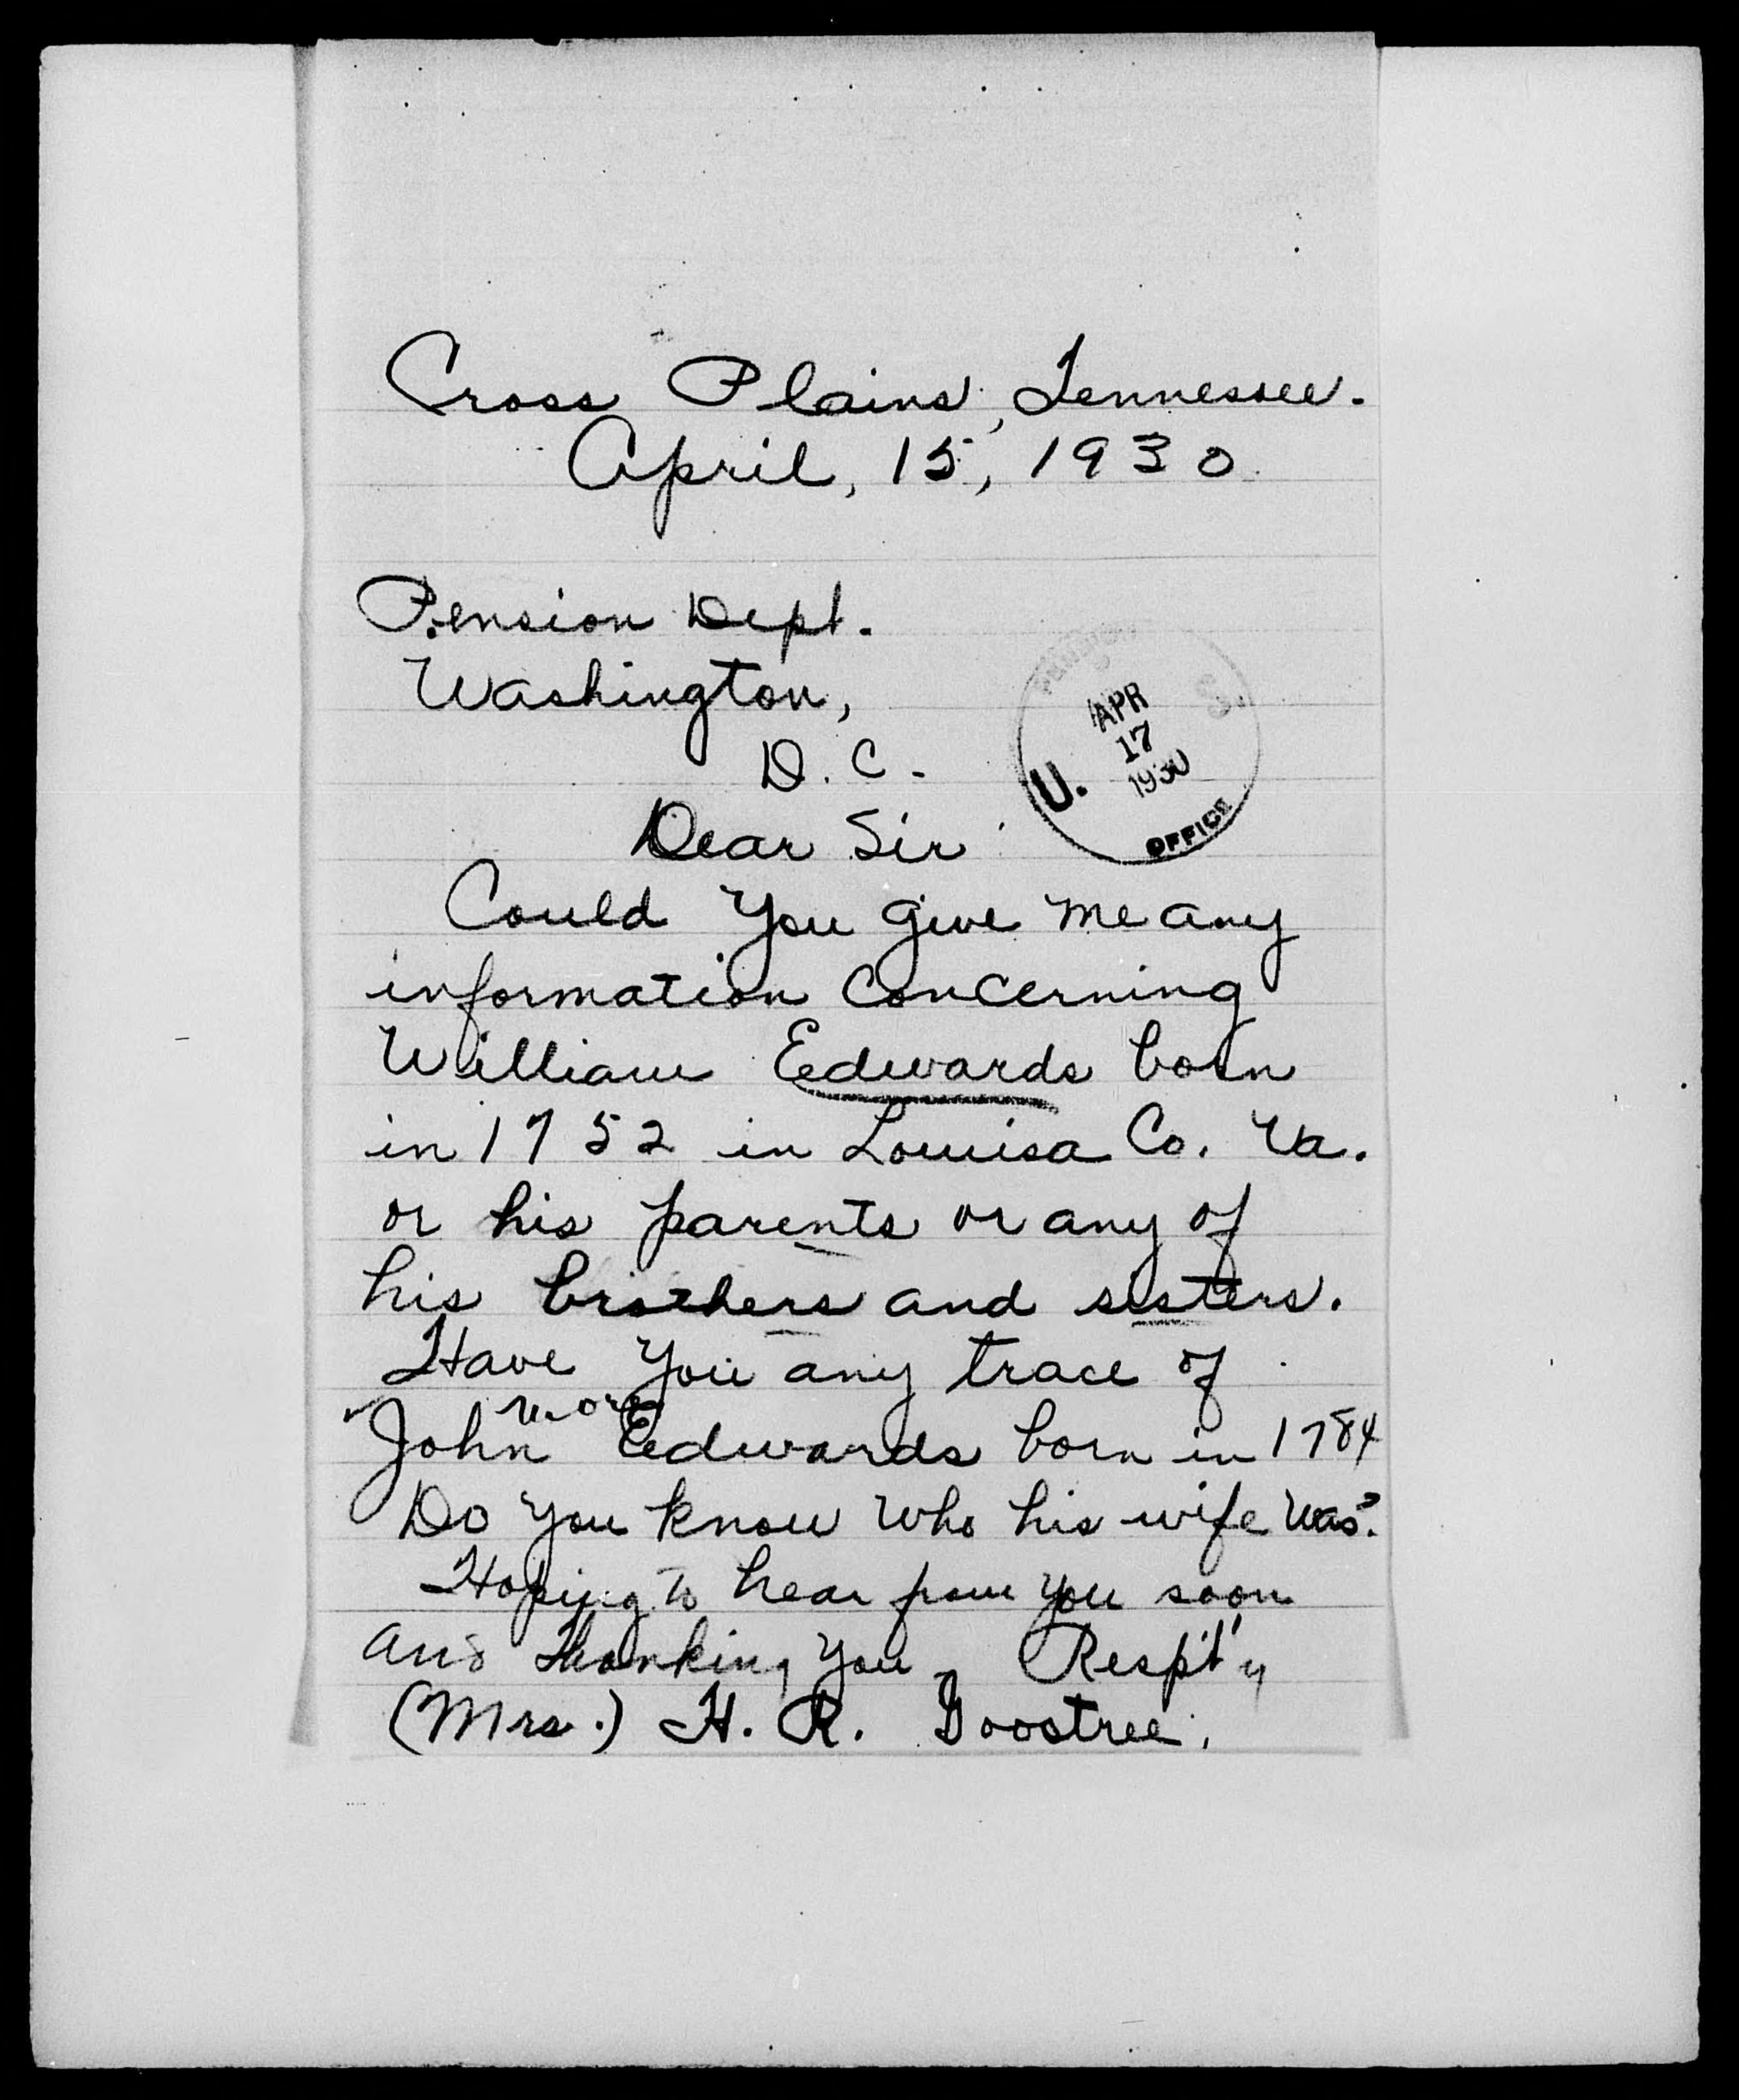Cross Plains, Tennessee.
April, 15, 1930

Pension Dept.
Washington,
D.C.
Dear Sir
Could you give me any information concerning William Edwards born in 1752 in Louisa Co. Va. or his parents or any of his brothers and sisters. Have you any trace of John more Edwards born in 1784 Do you know who his wife was? 
Hoping to hear from you soon
and Thanking you Respt'y
(Mrs.) H. R. Goostree,

[stamp]
PENSION
APR 
U. 17 S.
1930
OFFICE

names: William Edwards, H R Goostree, John Edwards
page: 36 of 47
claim: survivor's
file: S. 3,322, William Edwards, Va.